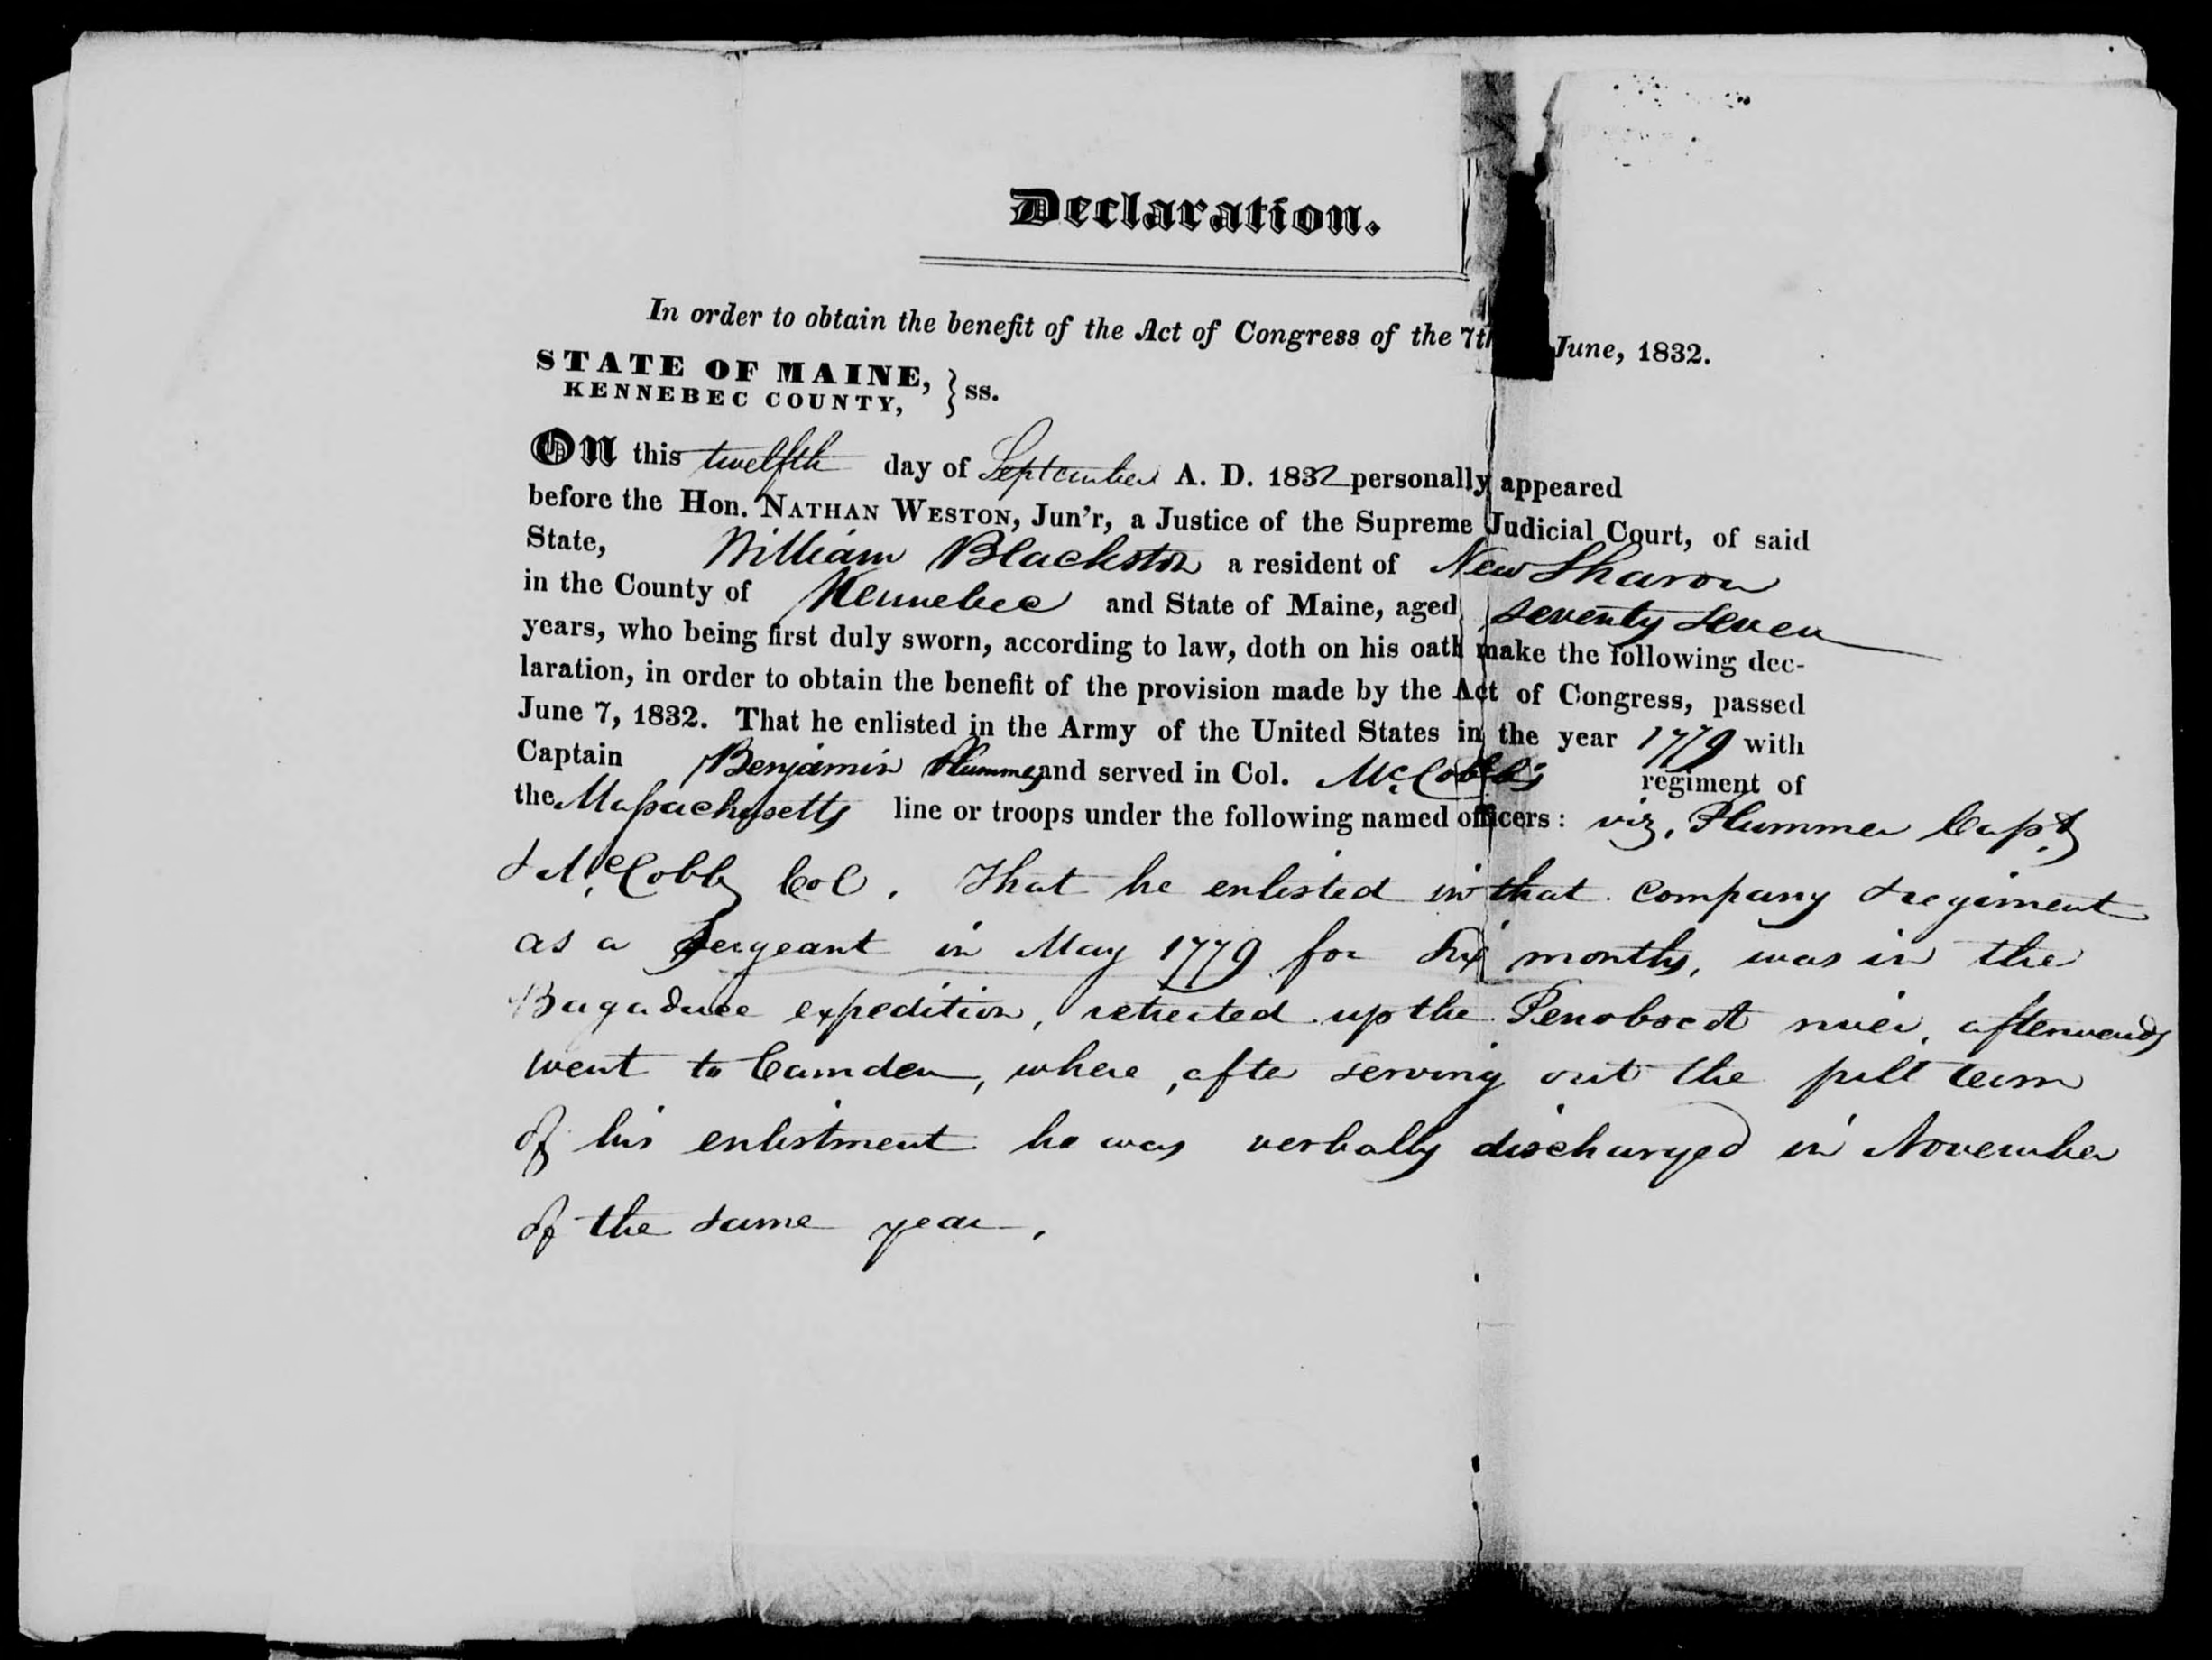Declaration.

In order to obtain the benefit of the Act of Congress of the 7th June, 1832
STATE OF MAINE,} ss.
KENNEBEC COUNTY,}

On this twelfth day of September A. D. 1832 personally appeared
before the Hon. NATHAN WESTON, Jun'r, a Justice of the Supreme Judicial Court, of said
State, William Blackston a resident of New Sharon
in the County of Kennebec and State of Maine, aged seventy seven
years, who being first duly sworn, according to law, doth on his oath make the following 
declaration, in order to obtain the benefit of the provision made by the Act of Congress, passed
June 7, 1832. That he enlisted in the Army of the United States in the year 1779 with
Captain Benjamin Plummer and served in Col. McCobb's regiment of
the Massachusetts line or troops under the following named officers: viz. Plummer Capt.
& McCobbs Col.  That he enlisted in that company & regiment
as a Sergeant in May 1779 for six months, was in the
Bagaduce expedition, retreated up the Penobscot river, afterwords
went to Camden, where after serving out the full term
of his enlistment he was verbally discharged in November
of the same year.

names: William Blackston, Mc Cobb, Benjamin Plummer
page: 4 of 14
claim: survivor's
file: S. 30,869, William Blackston, Mass.